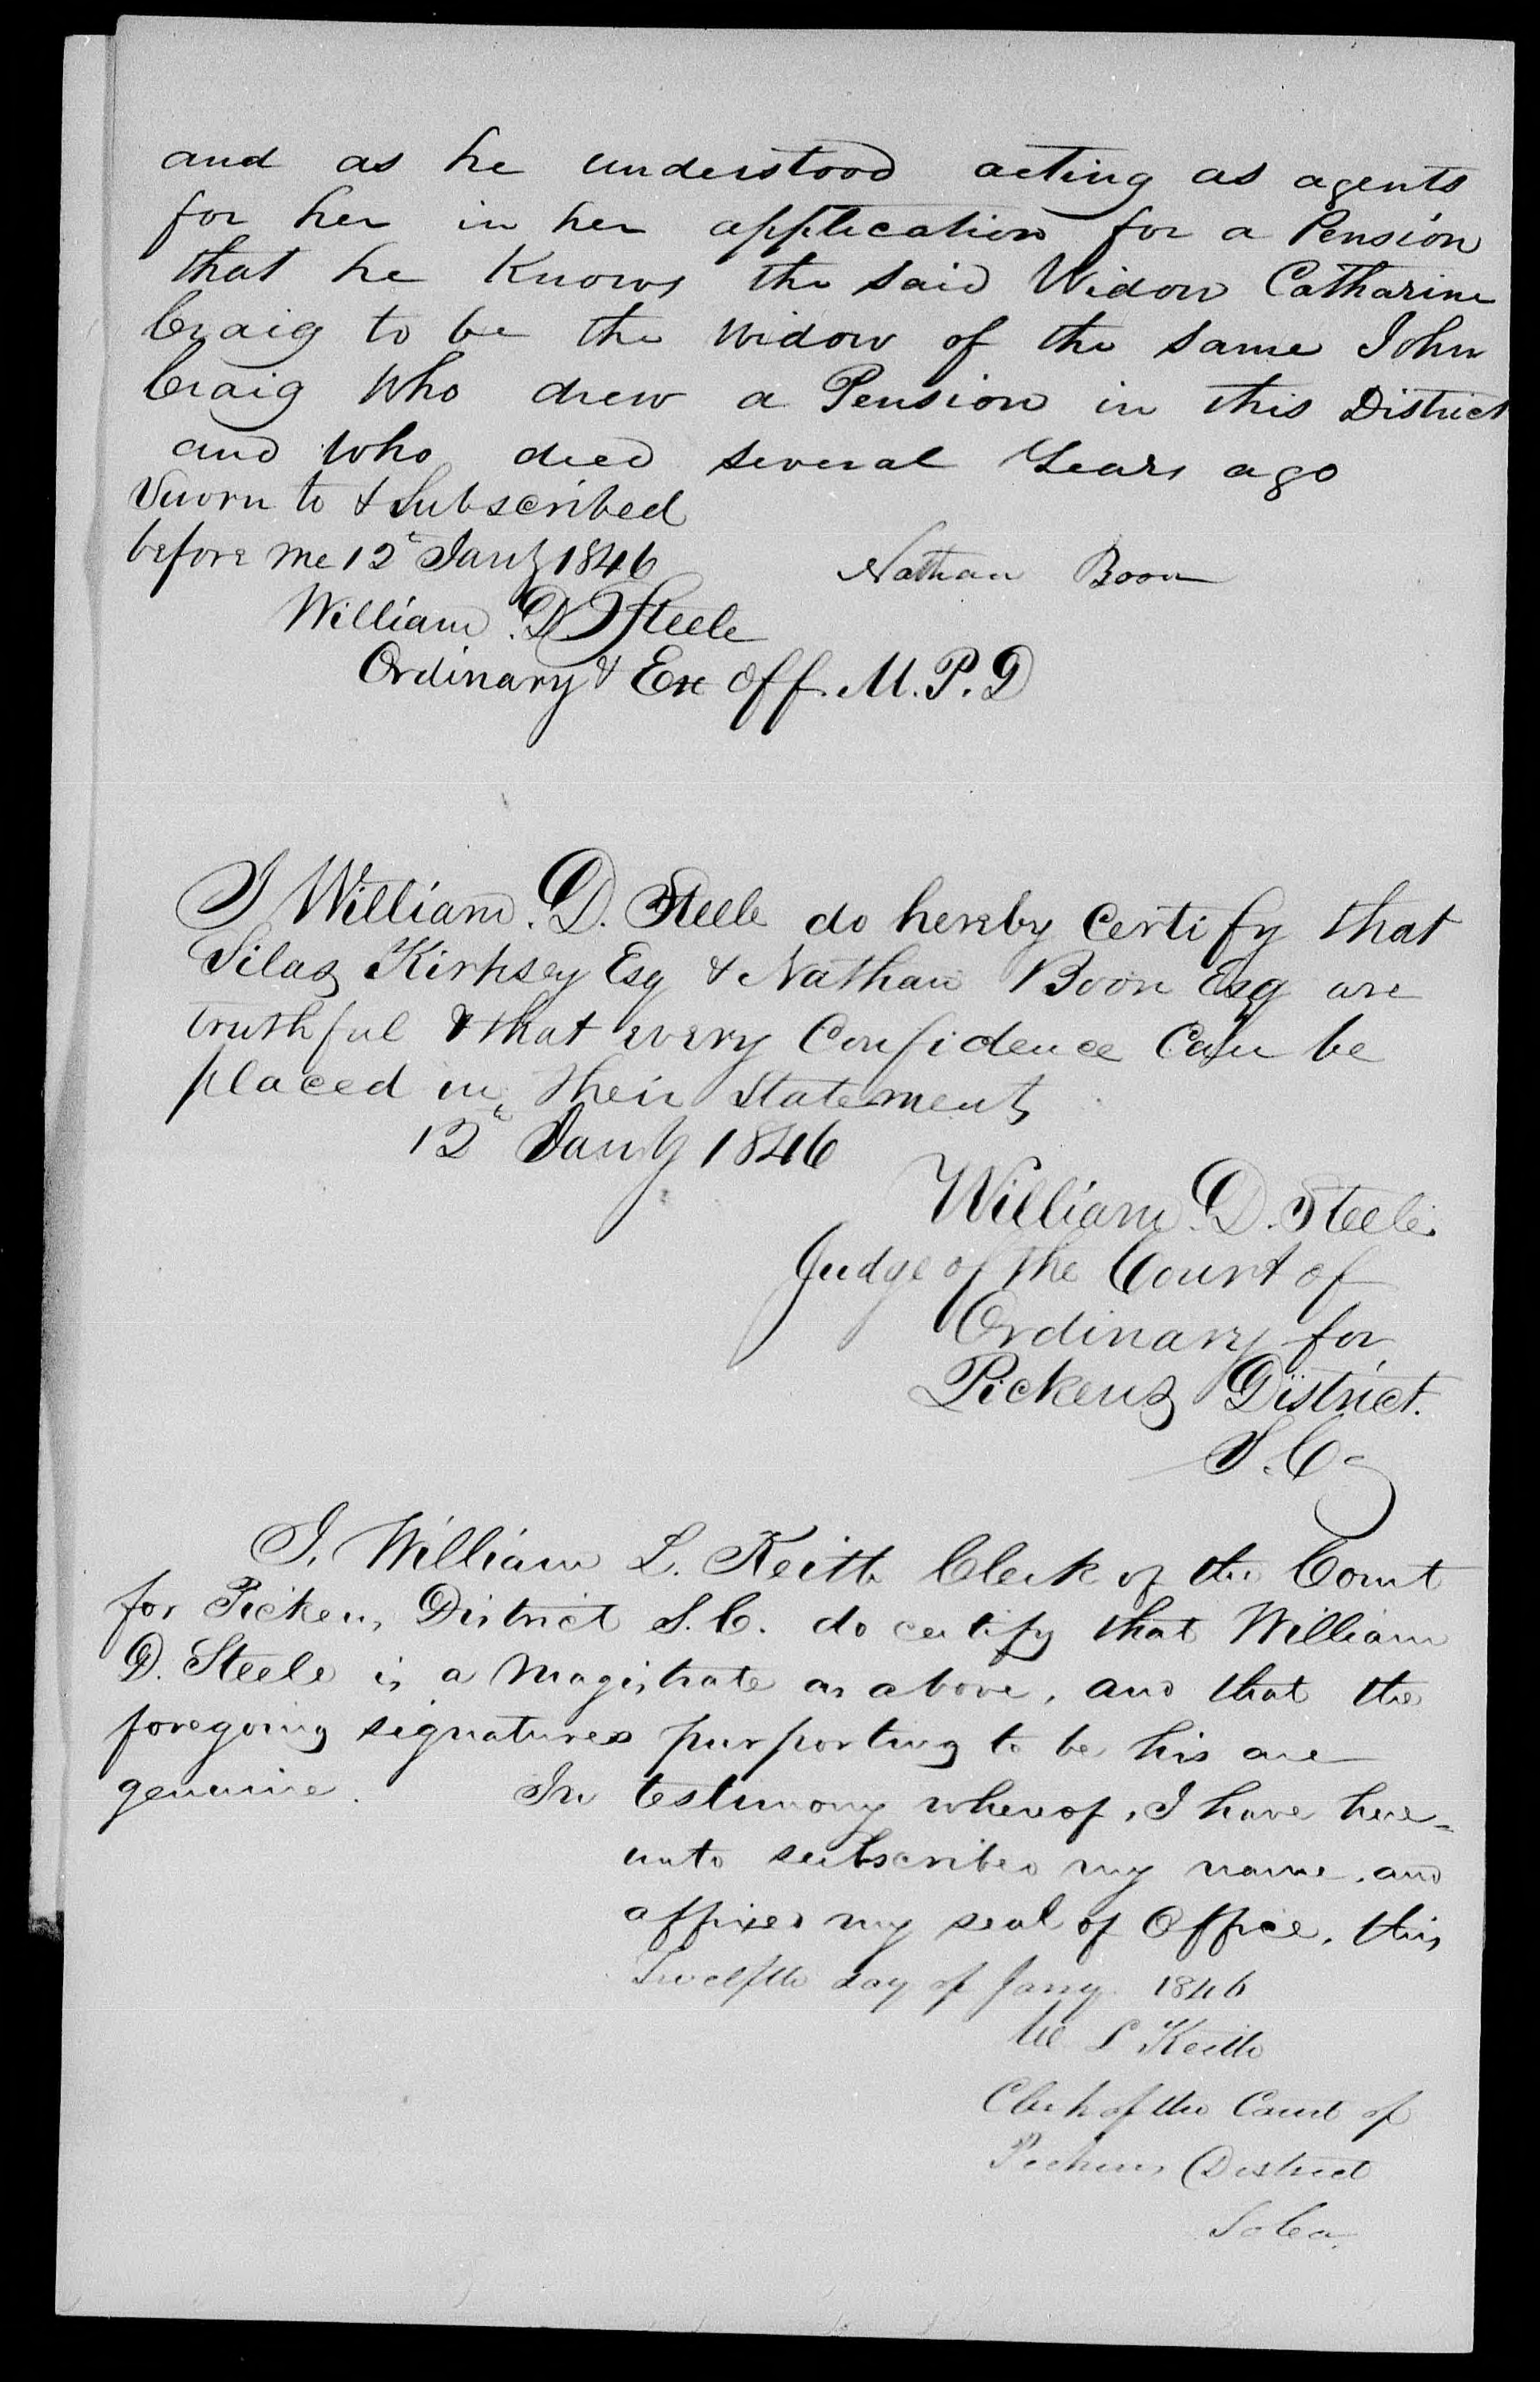and as he understood
acting as agents
for her in her application for a Pension
that he knows the said Widow Catharine
Craig to be the widow of the same John
Craig who drew a Pension in this District
and who died several years ago
Nathan Boon

Sworn to & Subscribed 
before me 12th Jany 1846
William D. Steele

Ordinary & Ex Off M. P. D. 

I William D. Steele do hereby certify that
Silas Kirksey Esq & Nathan Boon Esq are
truthful & that every confidence can be
placed in their statement
12th Jany 1846
William D. Steele
Judge of the Court of
Ordinary for
Pickens District
S. C.

I William L. Keith Clerk of the Court
for Pickens District S. C. do certify that William D. Steele is a magistrate as above, and that the foregoing signatures purporting to be his are genuine.
In testimony whereof, I have hereunto subscribed my name and
affixed my seal of Office, this
Twelfth day of Jany 1846
W. L. Keith
Clerk of the Court of
Pickens District
So. Ca.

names: W L Keith, William D Steele, William D Steele, Catharine Craig, Nathan Boon, Silas Kirksey, William L Keith, John Craig, William D Steele, Nathan Boon, William D Steele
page: 54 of 55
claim: widow's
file: W. 22864, John Craig, S.C. Born In Iceland